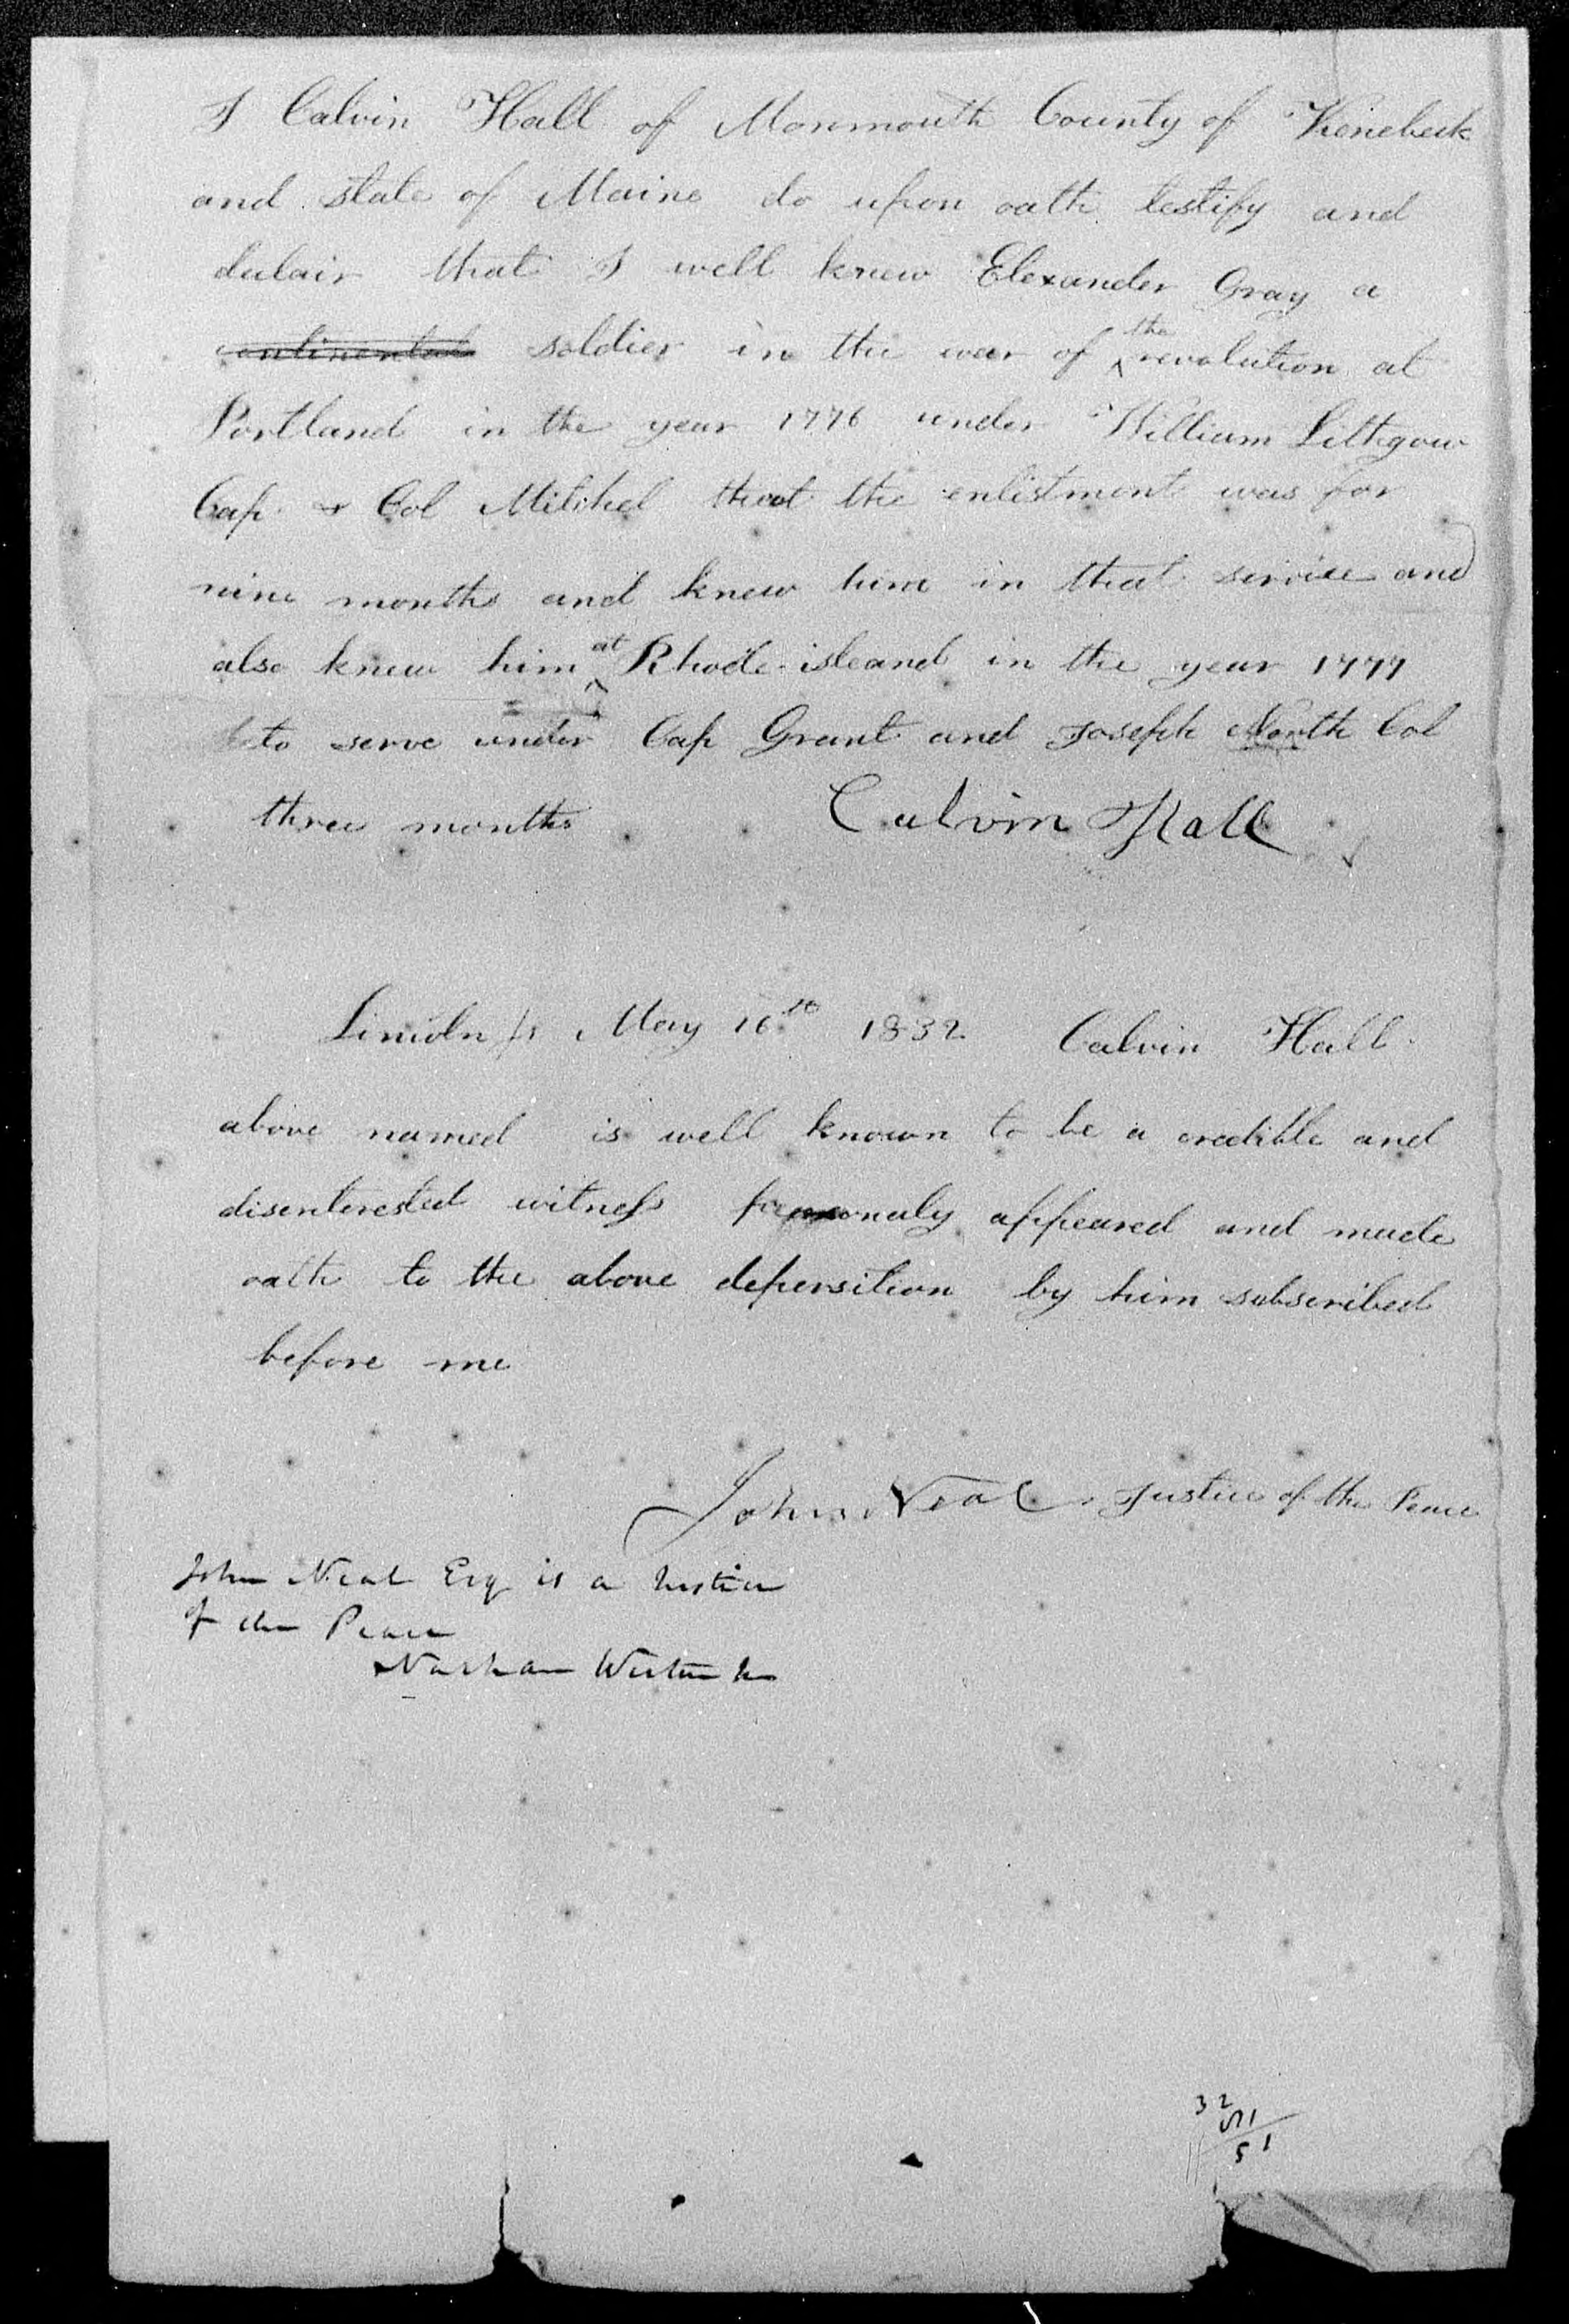I Calvin Hall of Monmouth County of Kenebeck
and State of Maine do upon oath testify and
declair that I well knew Elexander Gray a
continental [word crossed out] soldier in the war of the revolution at
Portland in the year 1776 under William Lithgow
Cap & Col Mitchel that the enlistment was for
nine months and knew him in that service and
also knew him at Rhode island in the year 1777
to serve under Cap Grant and Joseph North Col
three months. 
Calvin Hall

Lincoln May 16th 1832 Calvin Hall
above named is well known to be a credible and
disinterested witness formally appeared and made
oath to the above deposition by him subscribed
before me
John Neal Justice of the Peace

John Neal Esq is a Justice
of the Peace
Nathan Weston Jun'r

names: John Neal, Grant, Elexander Gray, Calvin Hall, Calvin Hall, John Neal, Calvin Hall, Mitchel, William Lithgow, Nathan Weston, Joseph North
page: 6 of 13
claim: survivor's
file: S. 18845, Alexander Gray, Mass.